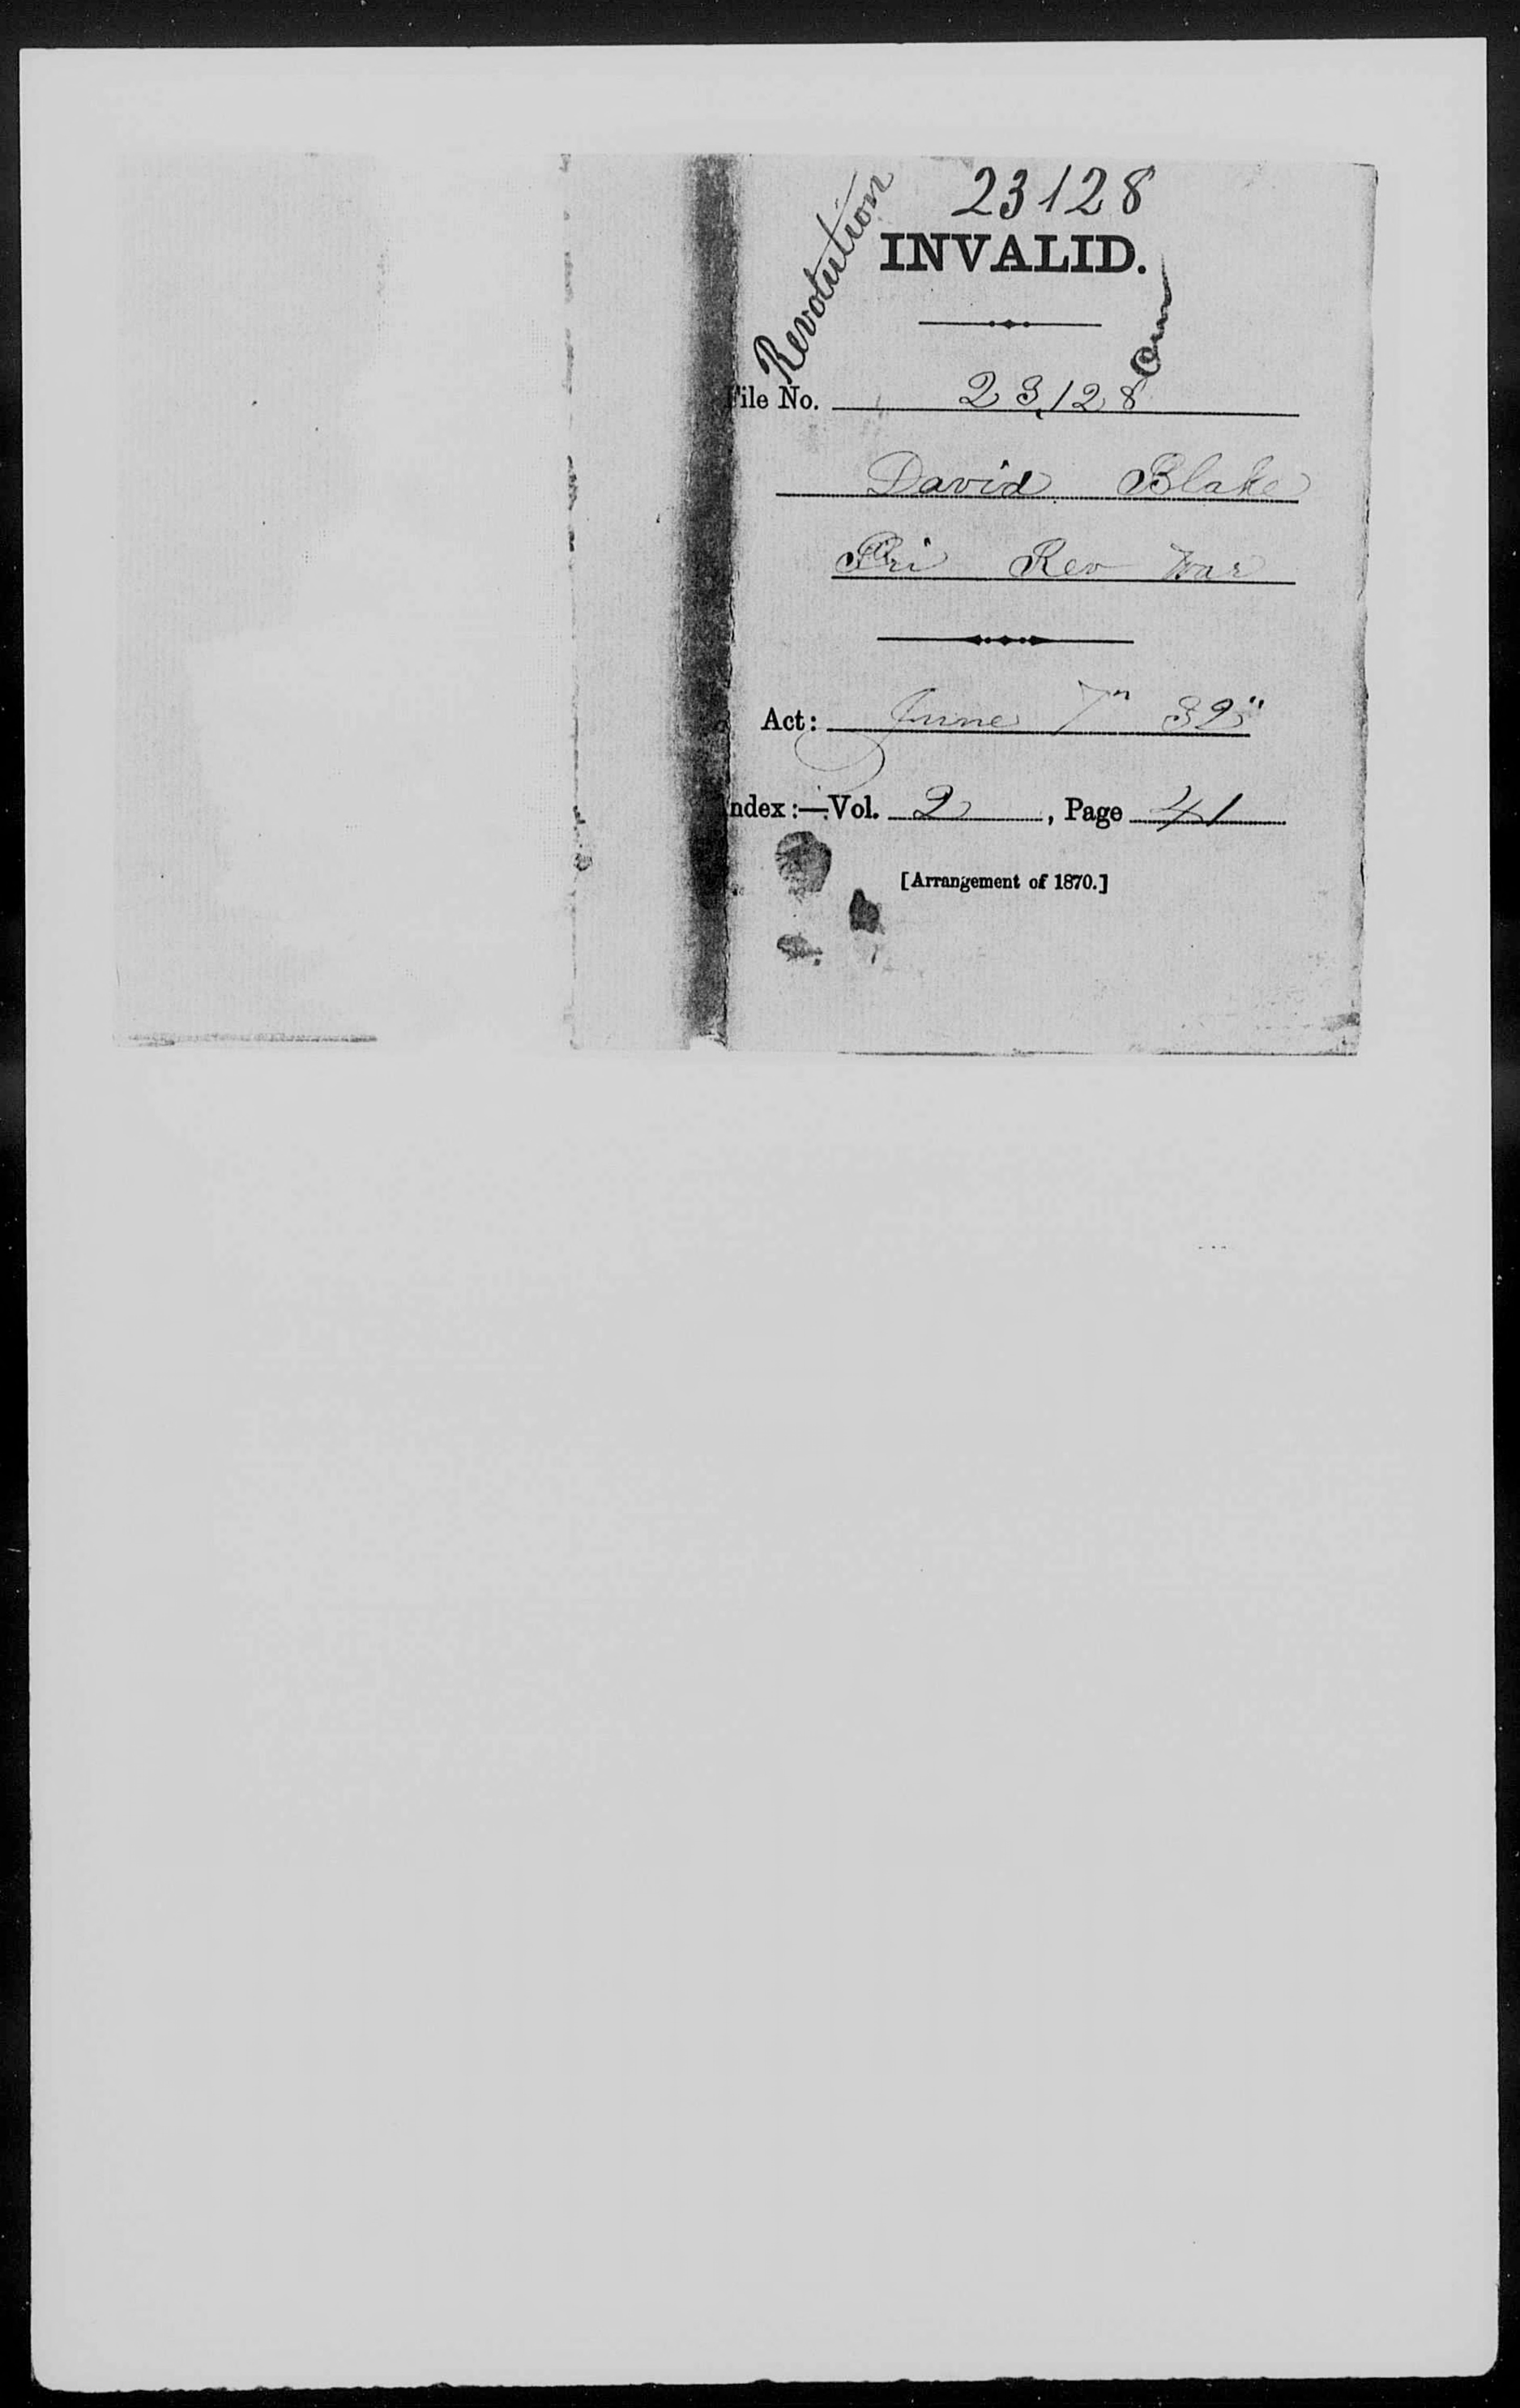Revolution
23128
INVALID.
File No. 23128
David Blake
Pri Rev War
Act: June 7th 39
Index:--Vol. 2 , Page 41
Page
Arrangement of 1870.}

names: David Blake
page: 11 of 21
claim: survivor's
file: S. 23,128, David Blake, Conn.